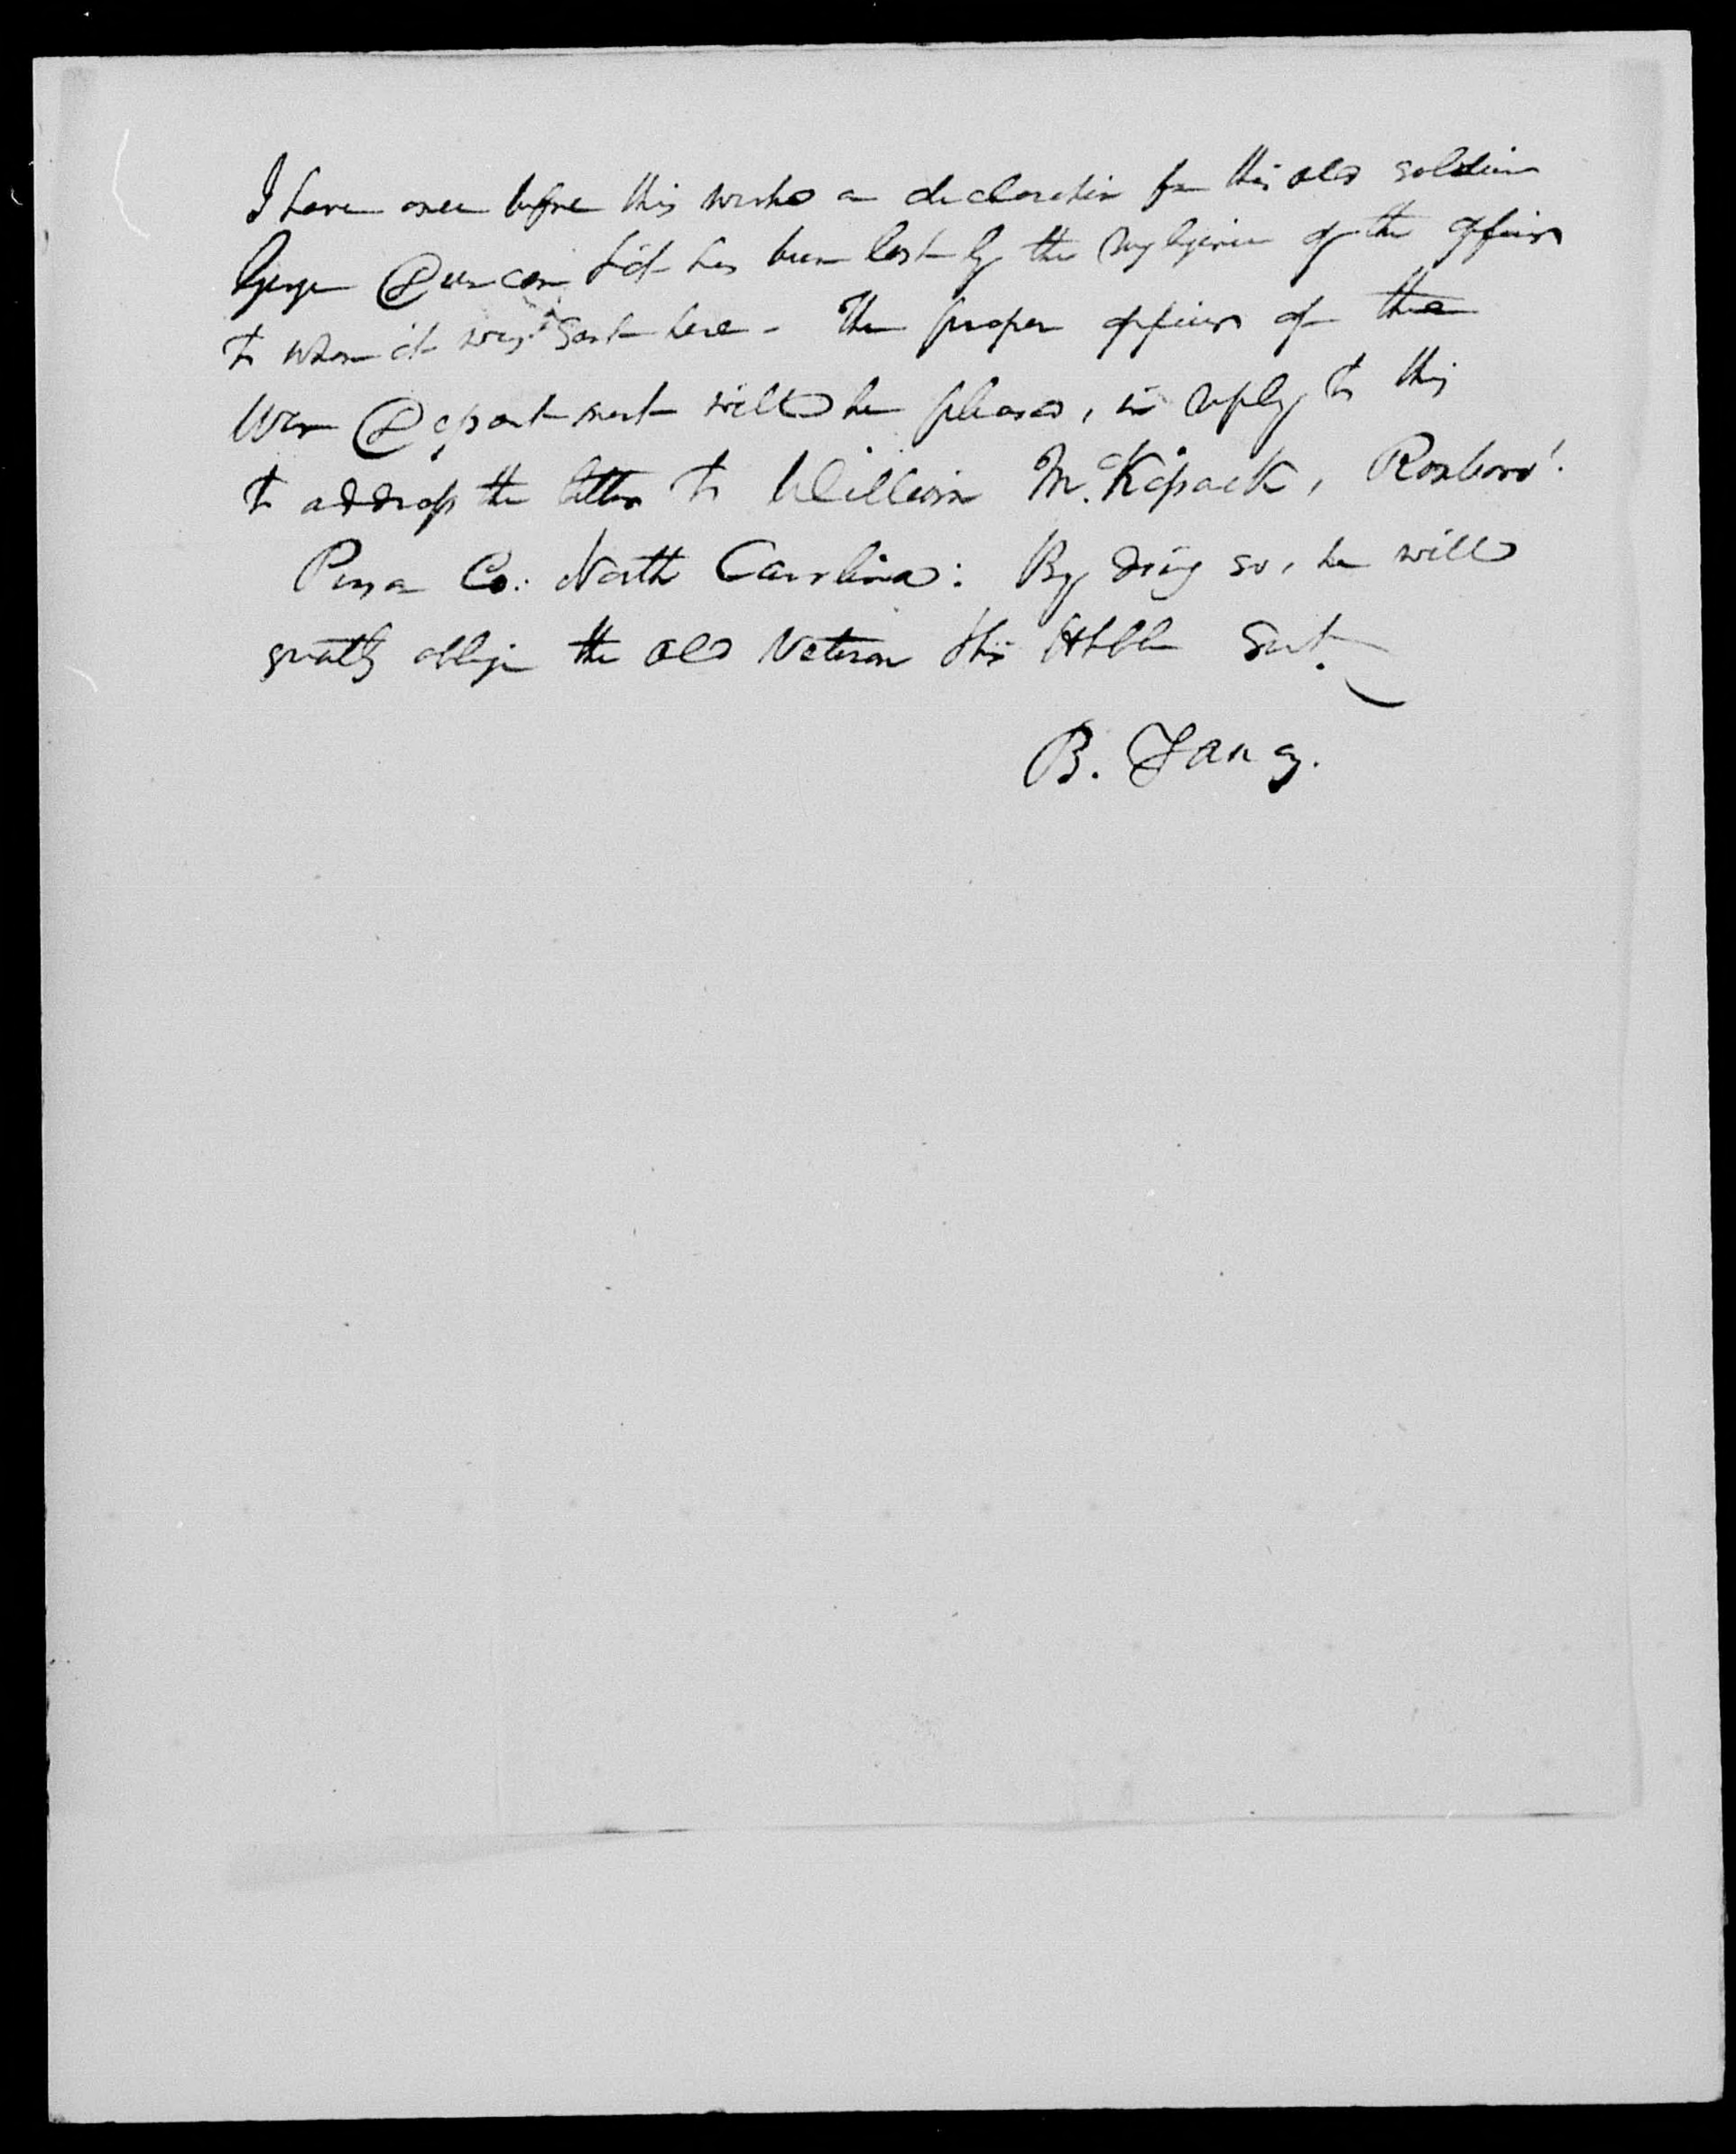I have once before this wrote a declaration for this old soldier George Duncan. said has been lost by the negligence of the officer to whom it was sent here- The proper officer of the
War Department will be pleased, to reply to this
and address the letter to William McKissack, Roxboro Person County North Carolina: By doing so, he will greatly oblige the old veteran his humble servant
B. Young.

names: William M Kissack, George Duncan, B Young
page: 47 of 49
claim: survivor's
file: S. 41513, George Duncan, N.C.